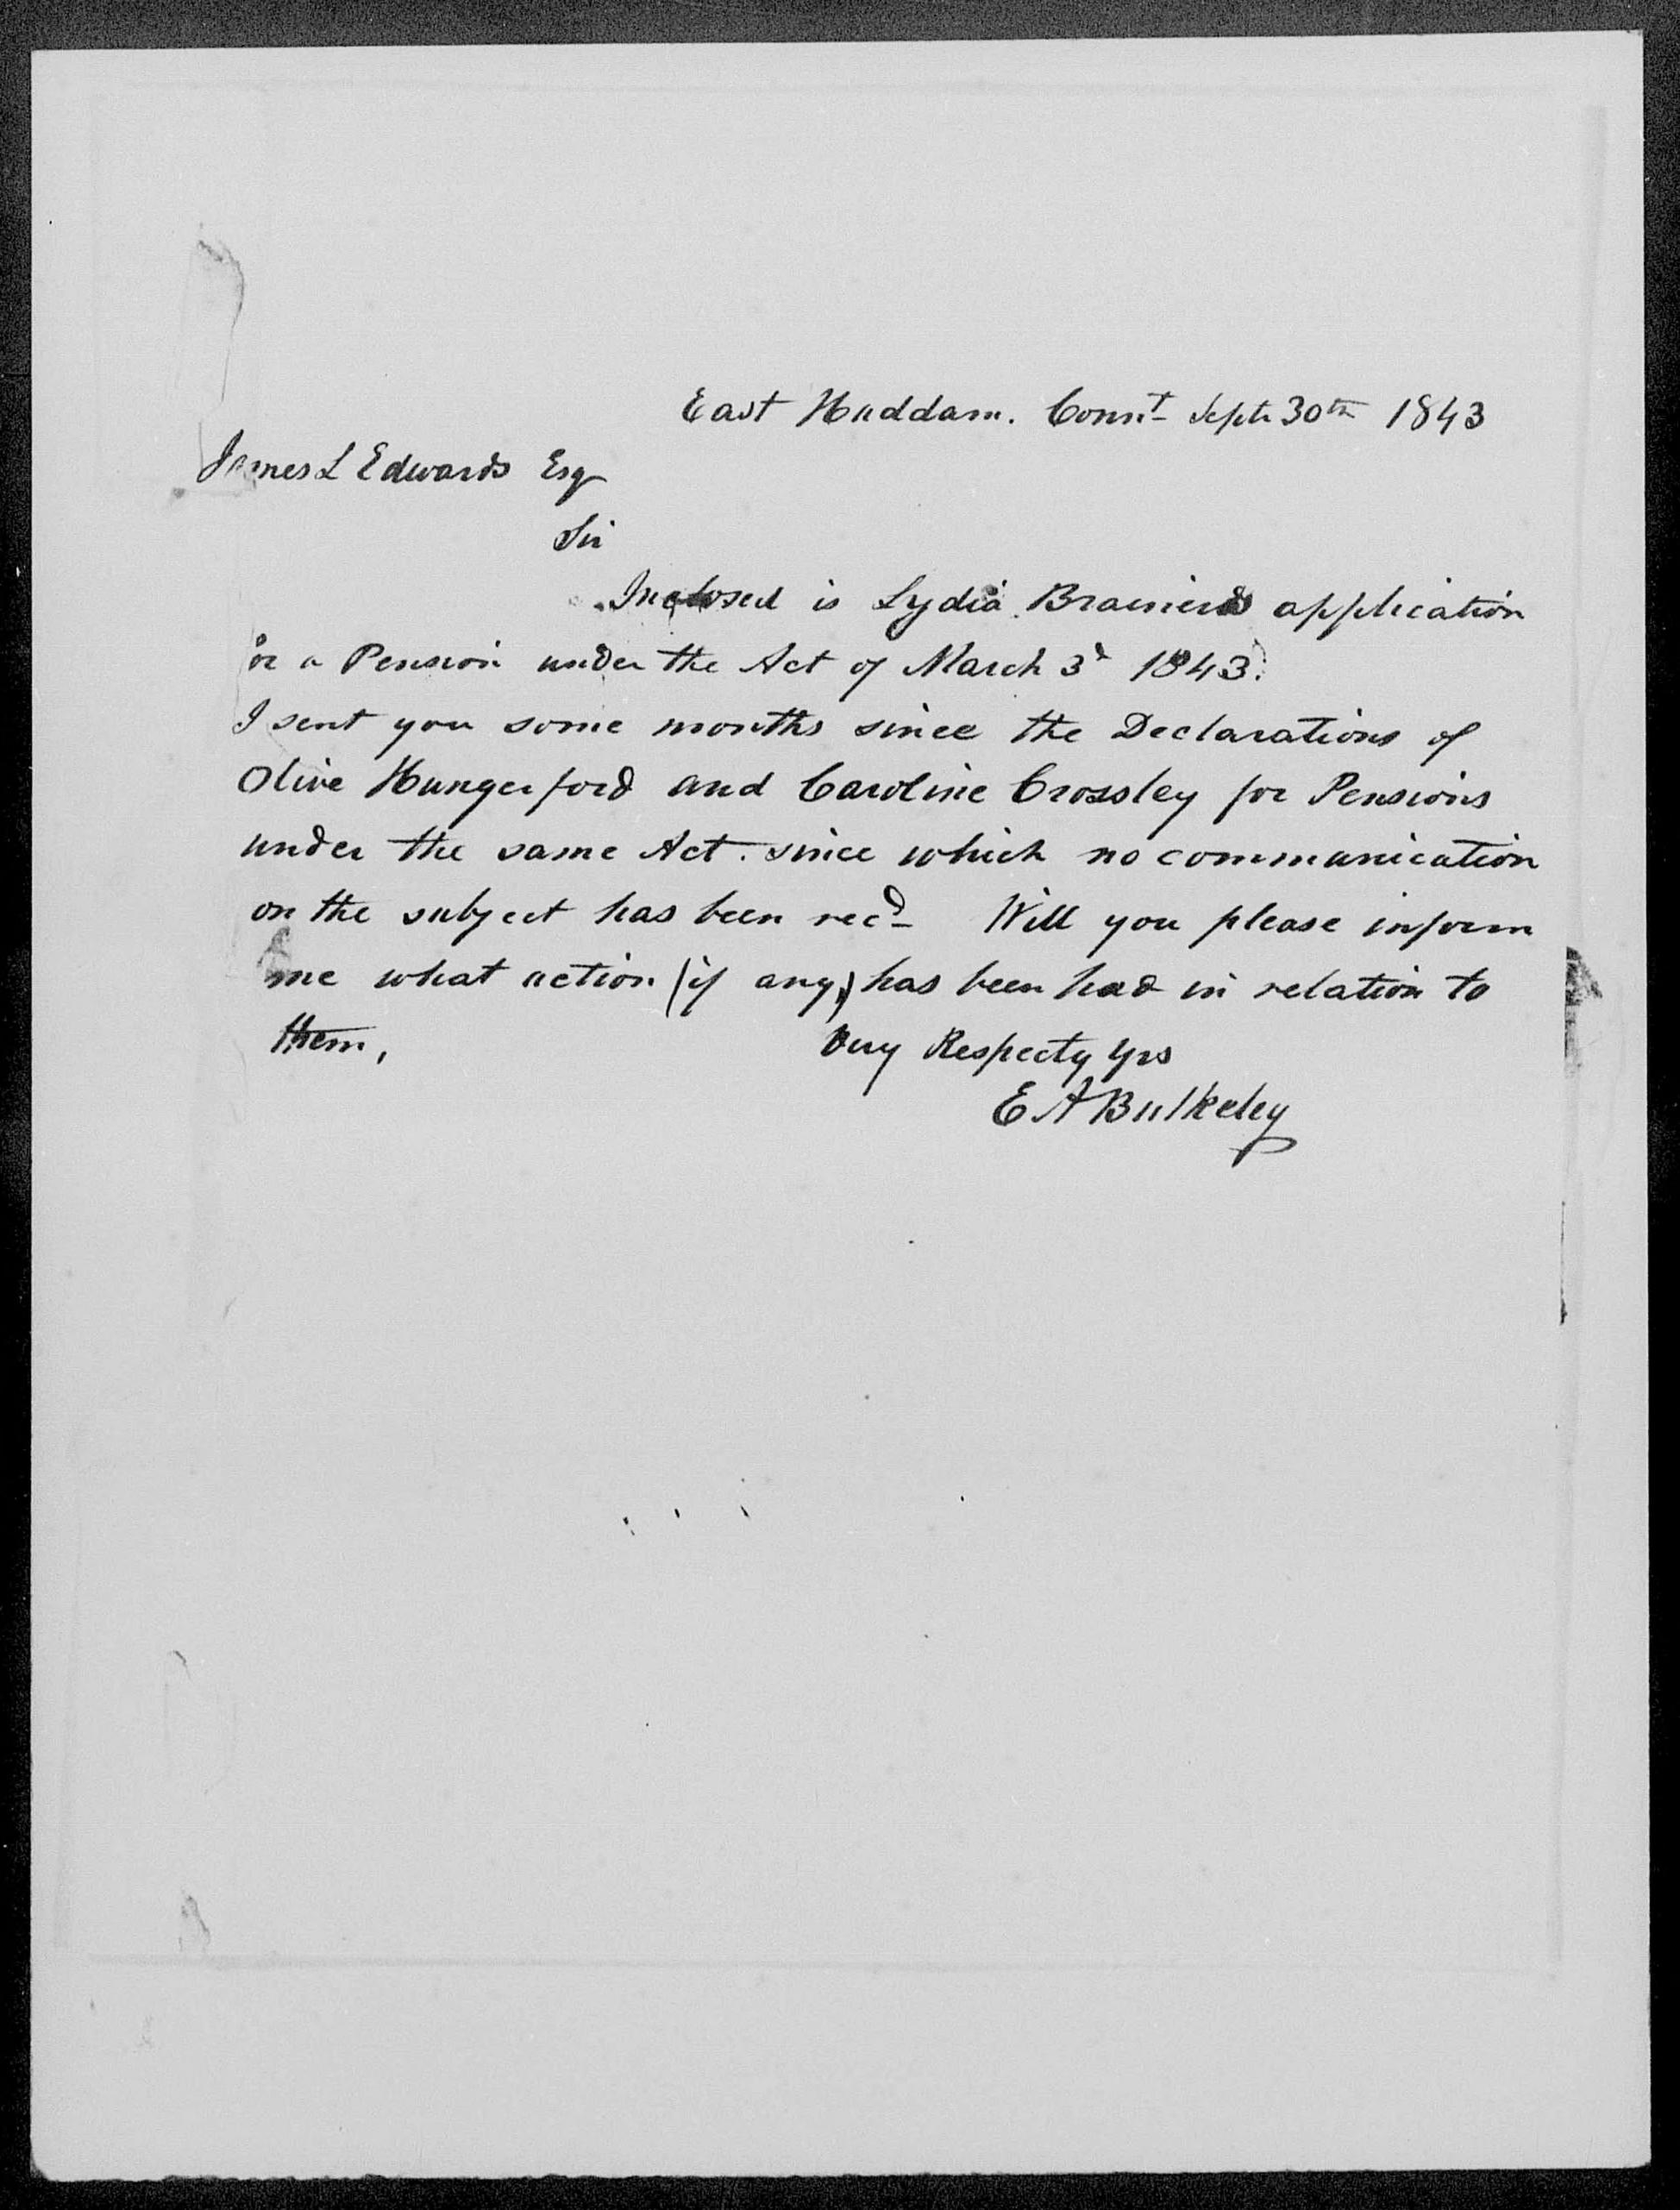East Haddam Conn't Sept 30th 1843
James L Edwards Esq
Sir
Inclosed (sic) is Lydia Brainard's application for a Pension under the Act of March 3d 1843.
I sent you some months since the declarations of Olive Hungerford and Caroline Crossley for Pensions under the same Act, since which no communication on the subject has been rec'd will you please inform me what action (if any,) has been had in relation to them,
Very Respecty yrs
E A Bulkeley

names: Lydia Brainerd, Olive Hungerford, E A Bulkeley, Caroline Crossley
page: 14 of 25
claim: widow's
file: W. 23,671, Bezaleel Brainard, Conn.